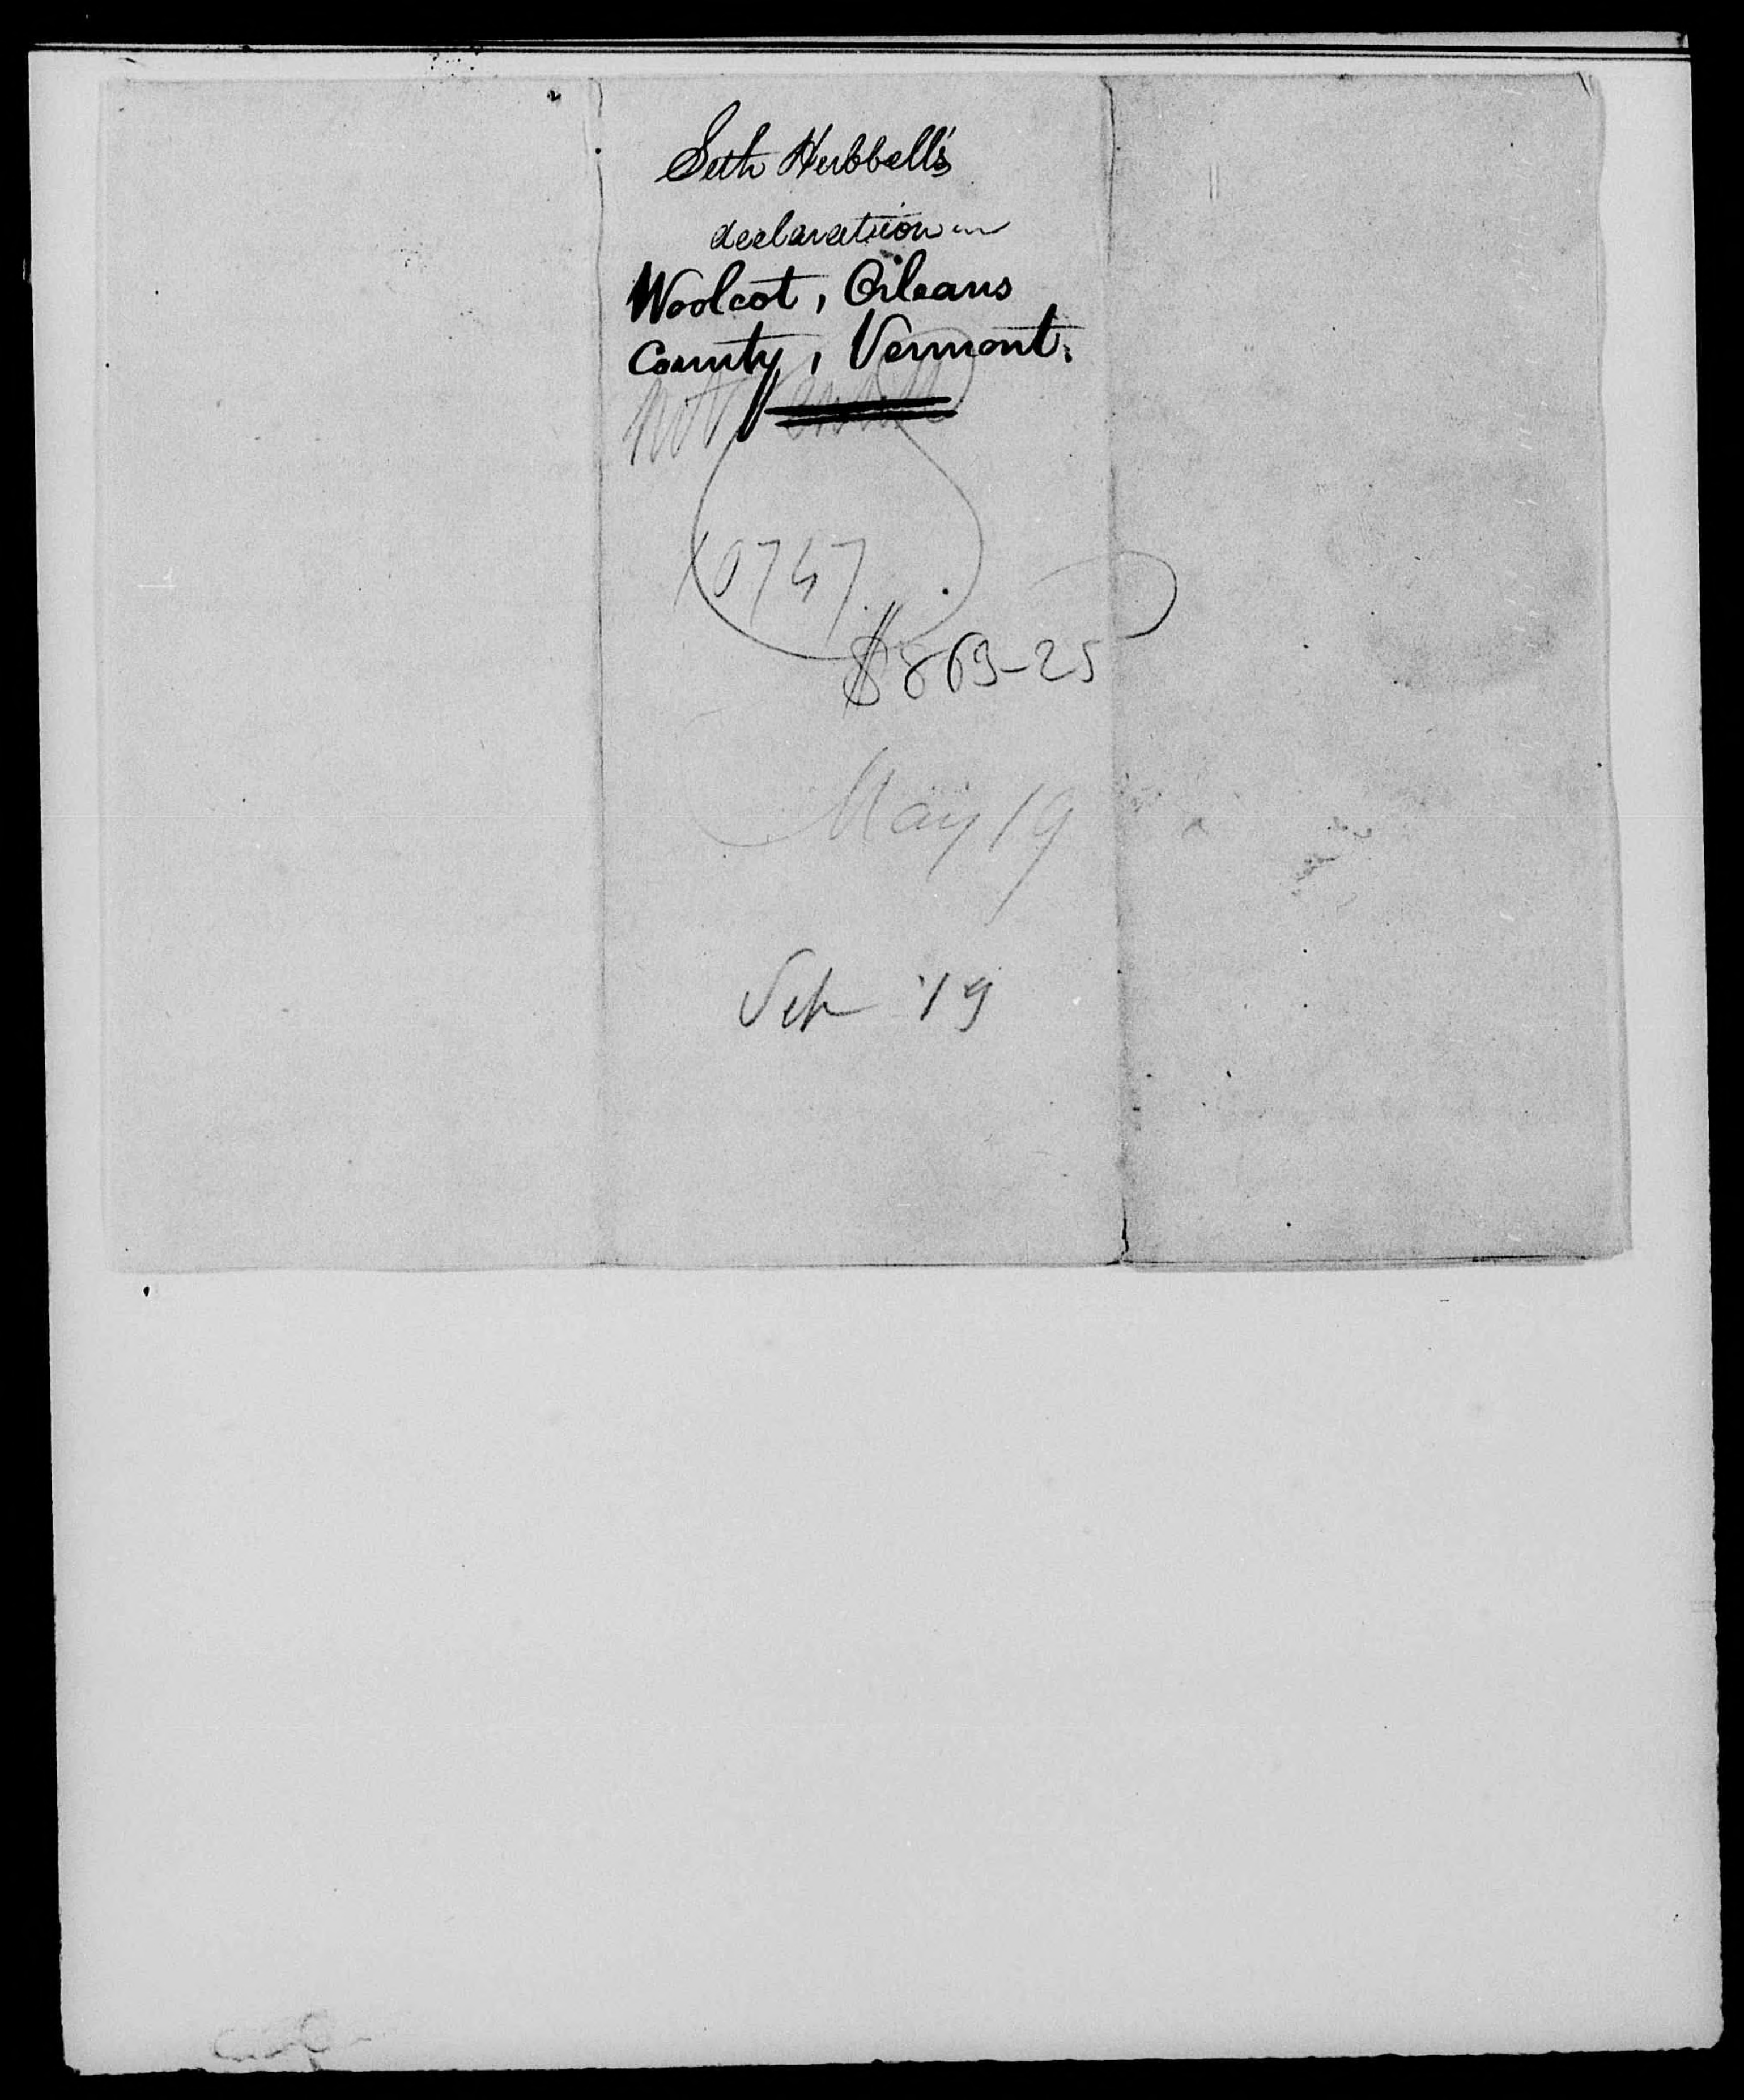Seth Hubbell's
declaration 
Woolcot, Orleans
County, Vermont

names: Seth Hubbell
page: 84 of 114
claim: widow's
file: W. 2115, Seth Hubbell, Conn.